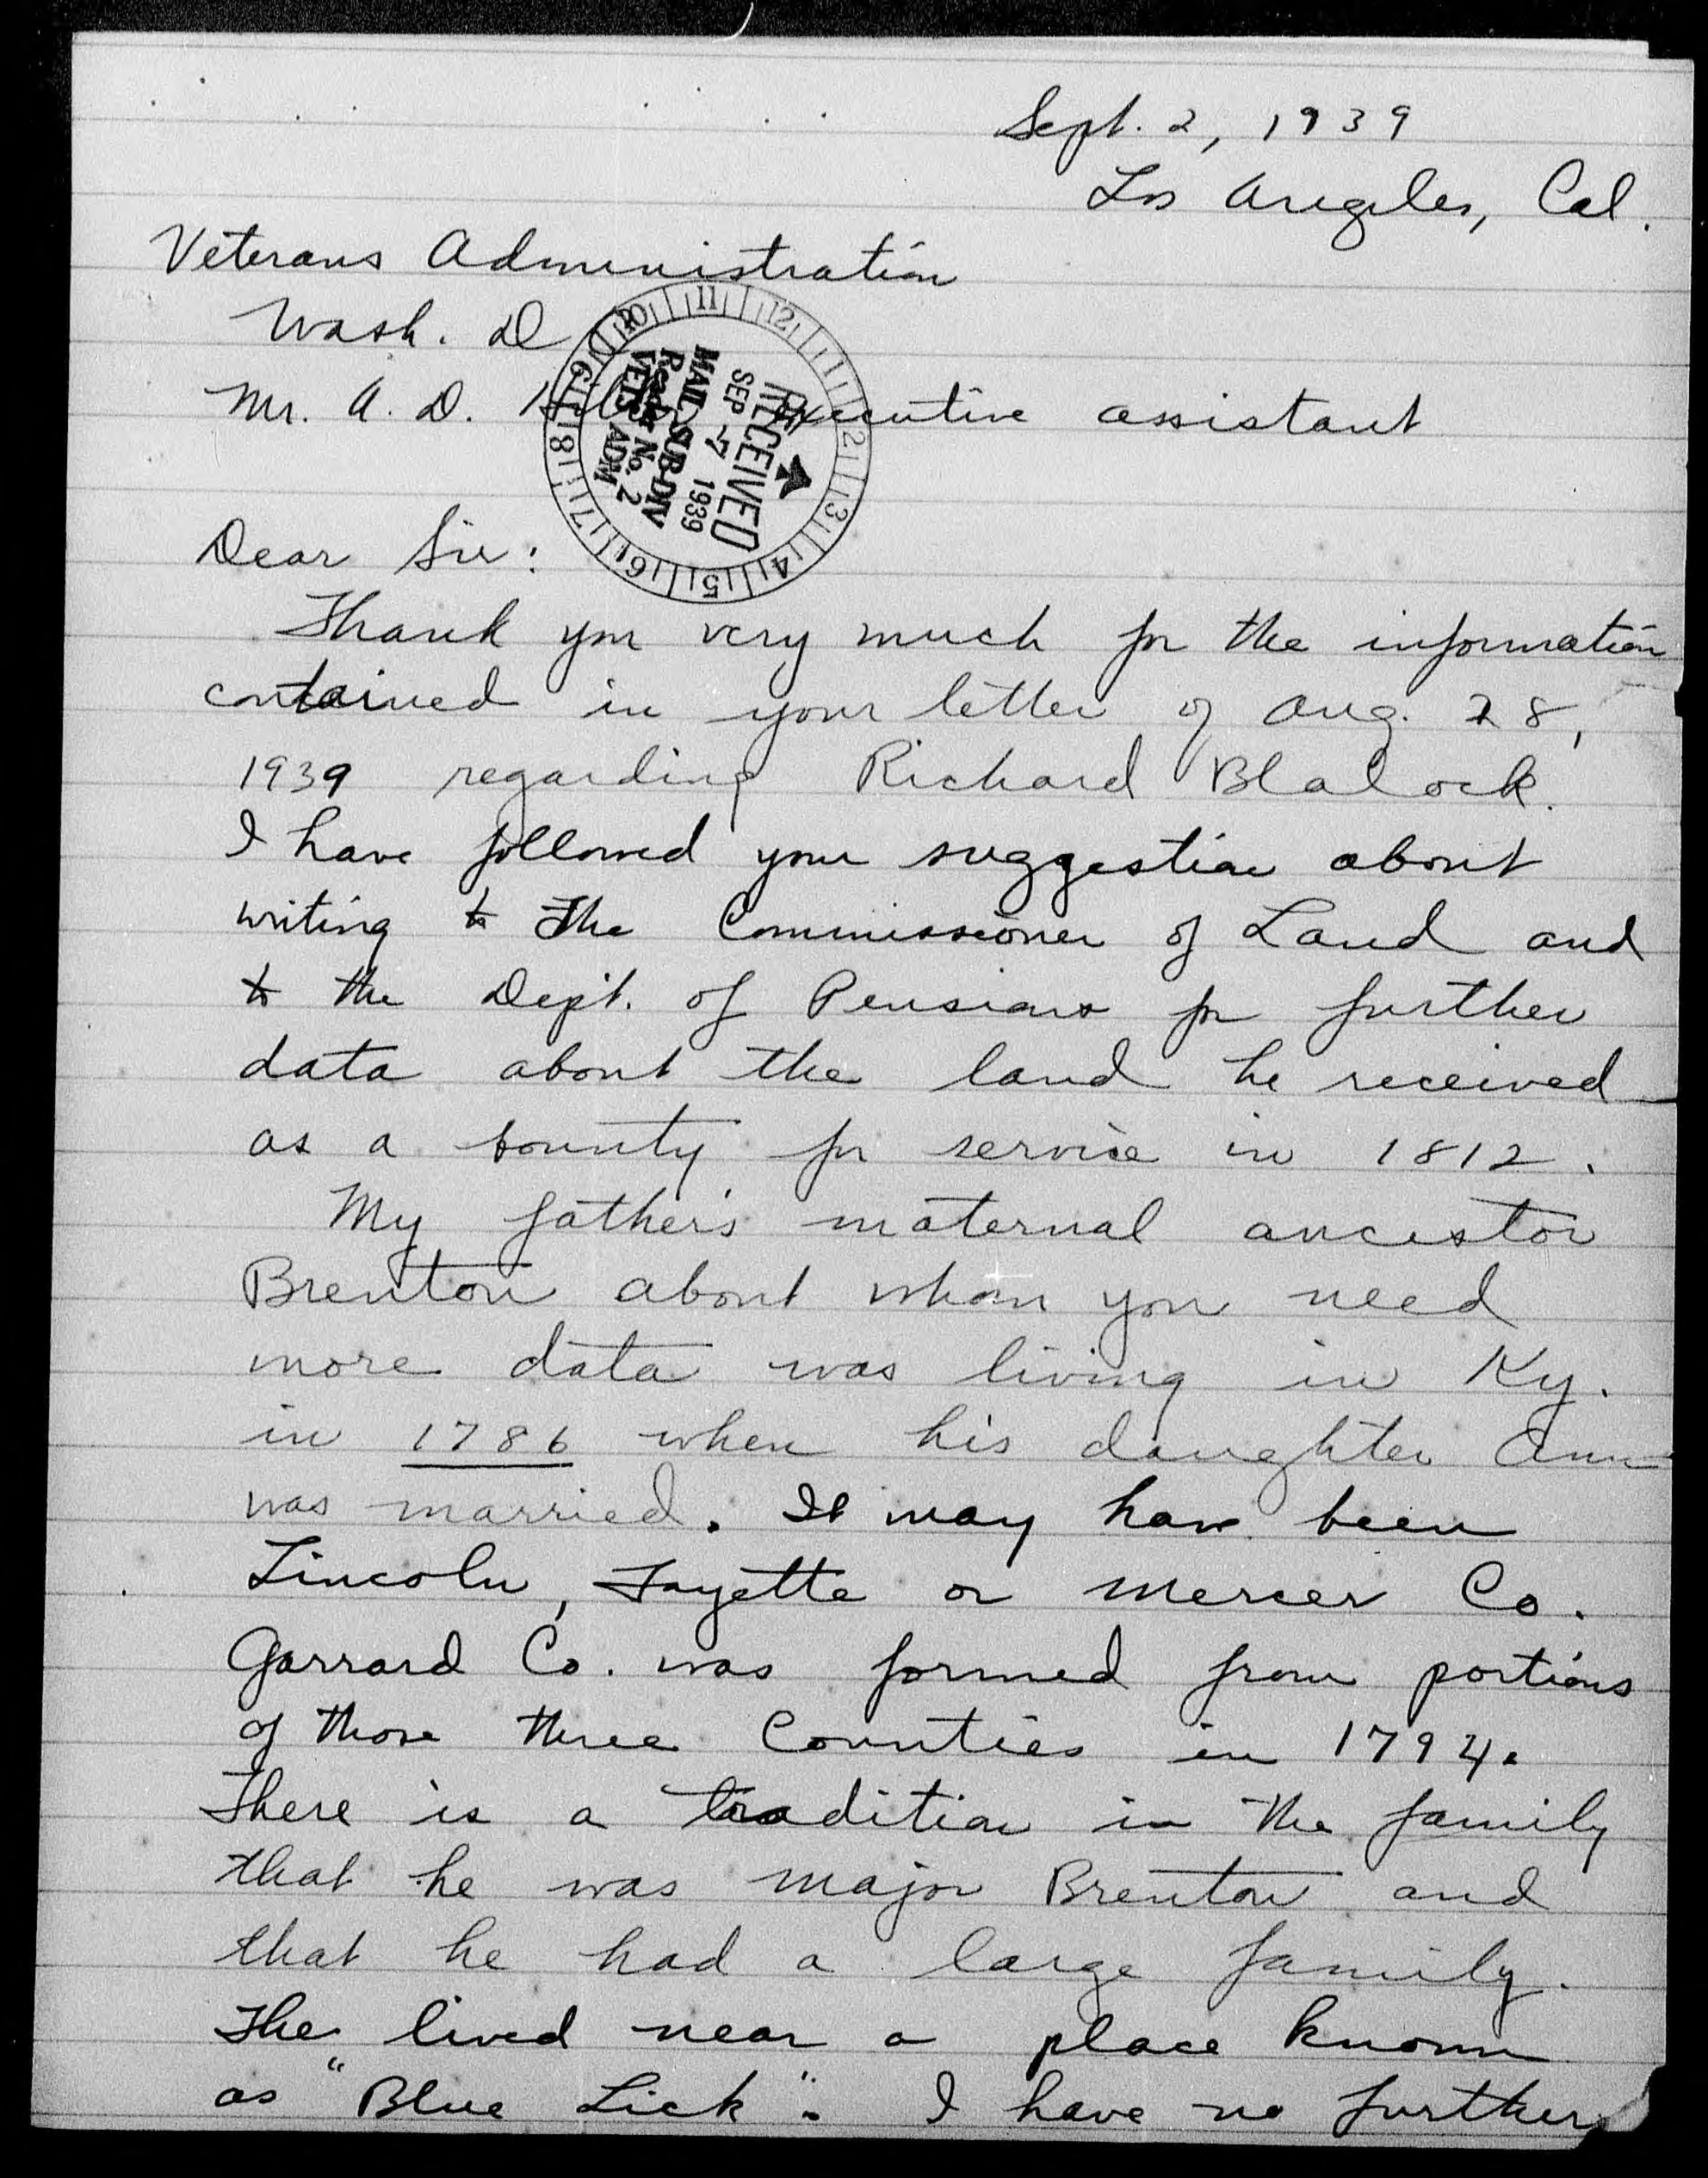Sept. 2, 1939
Los Angeles, Cal.
Veterans Administration
Wash. D. C.
Mr. A. D. Hiller, Executive Assistant
Dear Sir:
Thank you very much for the information contained in your letter of Aug. 28, 1939 regarding Richard Blalock. I have followed your suggestion about writing the Commissioner of Land and to the Dept. of Pensions for further data about the land he received as a bounty for service in 1812.
My father's maternal ancestor Brenton about whom you need more data was living in Ky. in 1786 when his daughter Ann was married. It may have been Lincoln, Fayette or Mercer Co. Garrard Co. was formed from portions of those three counties in 1794. There is a tradition in the family that he was major Brenton and that he had a large family. He lived near a place known as "Blue Lick." I have no further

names: A D Hiller, Richard Blalock, Brenton, Brenton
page: 19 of 26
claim: survivor's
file: S. 16059, John Brenton, Penn. Va.